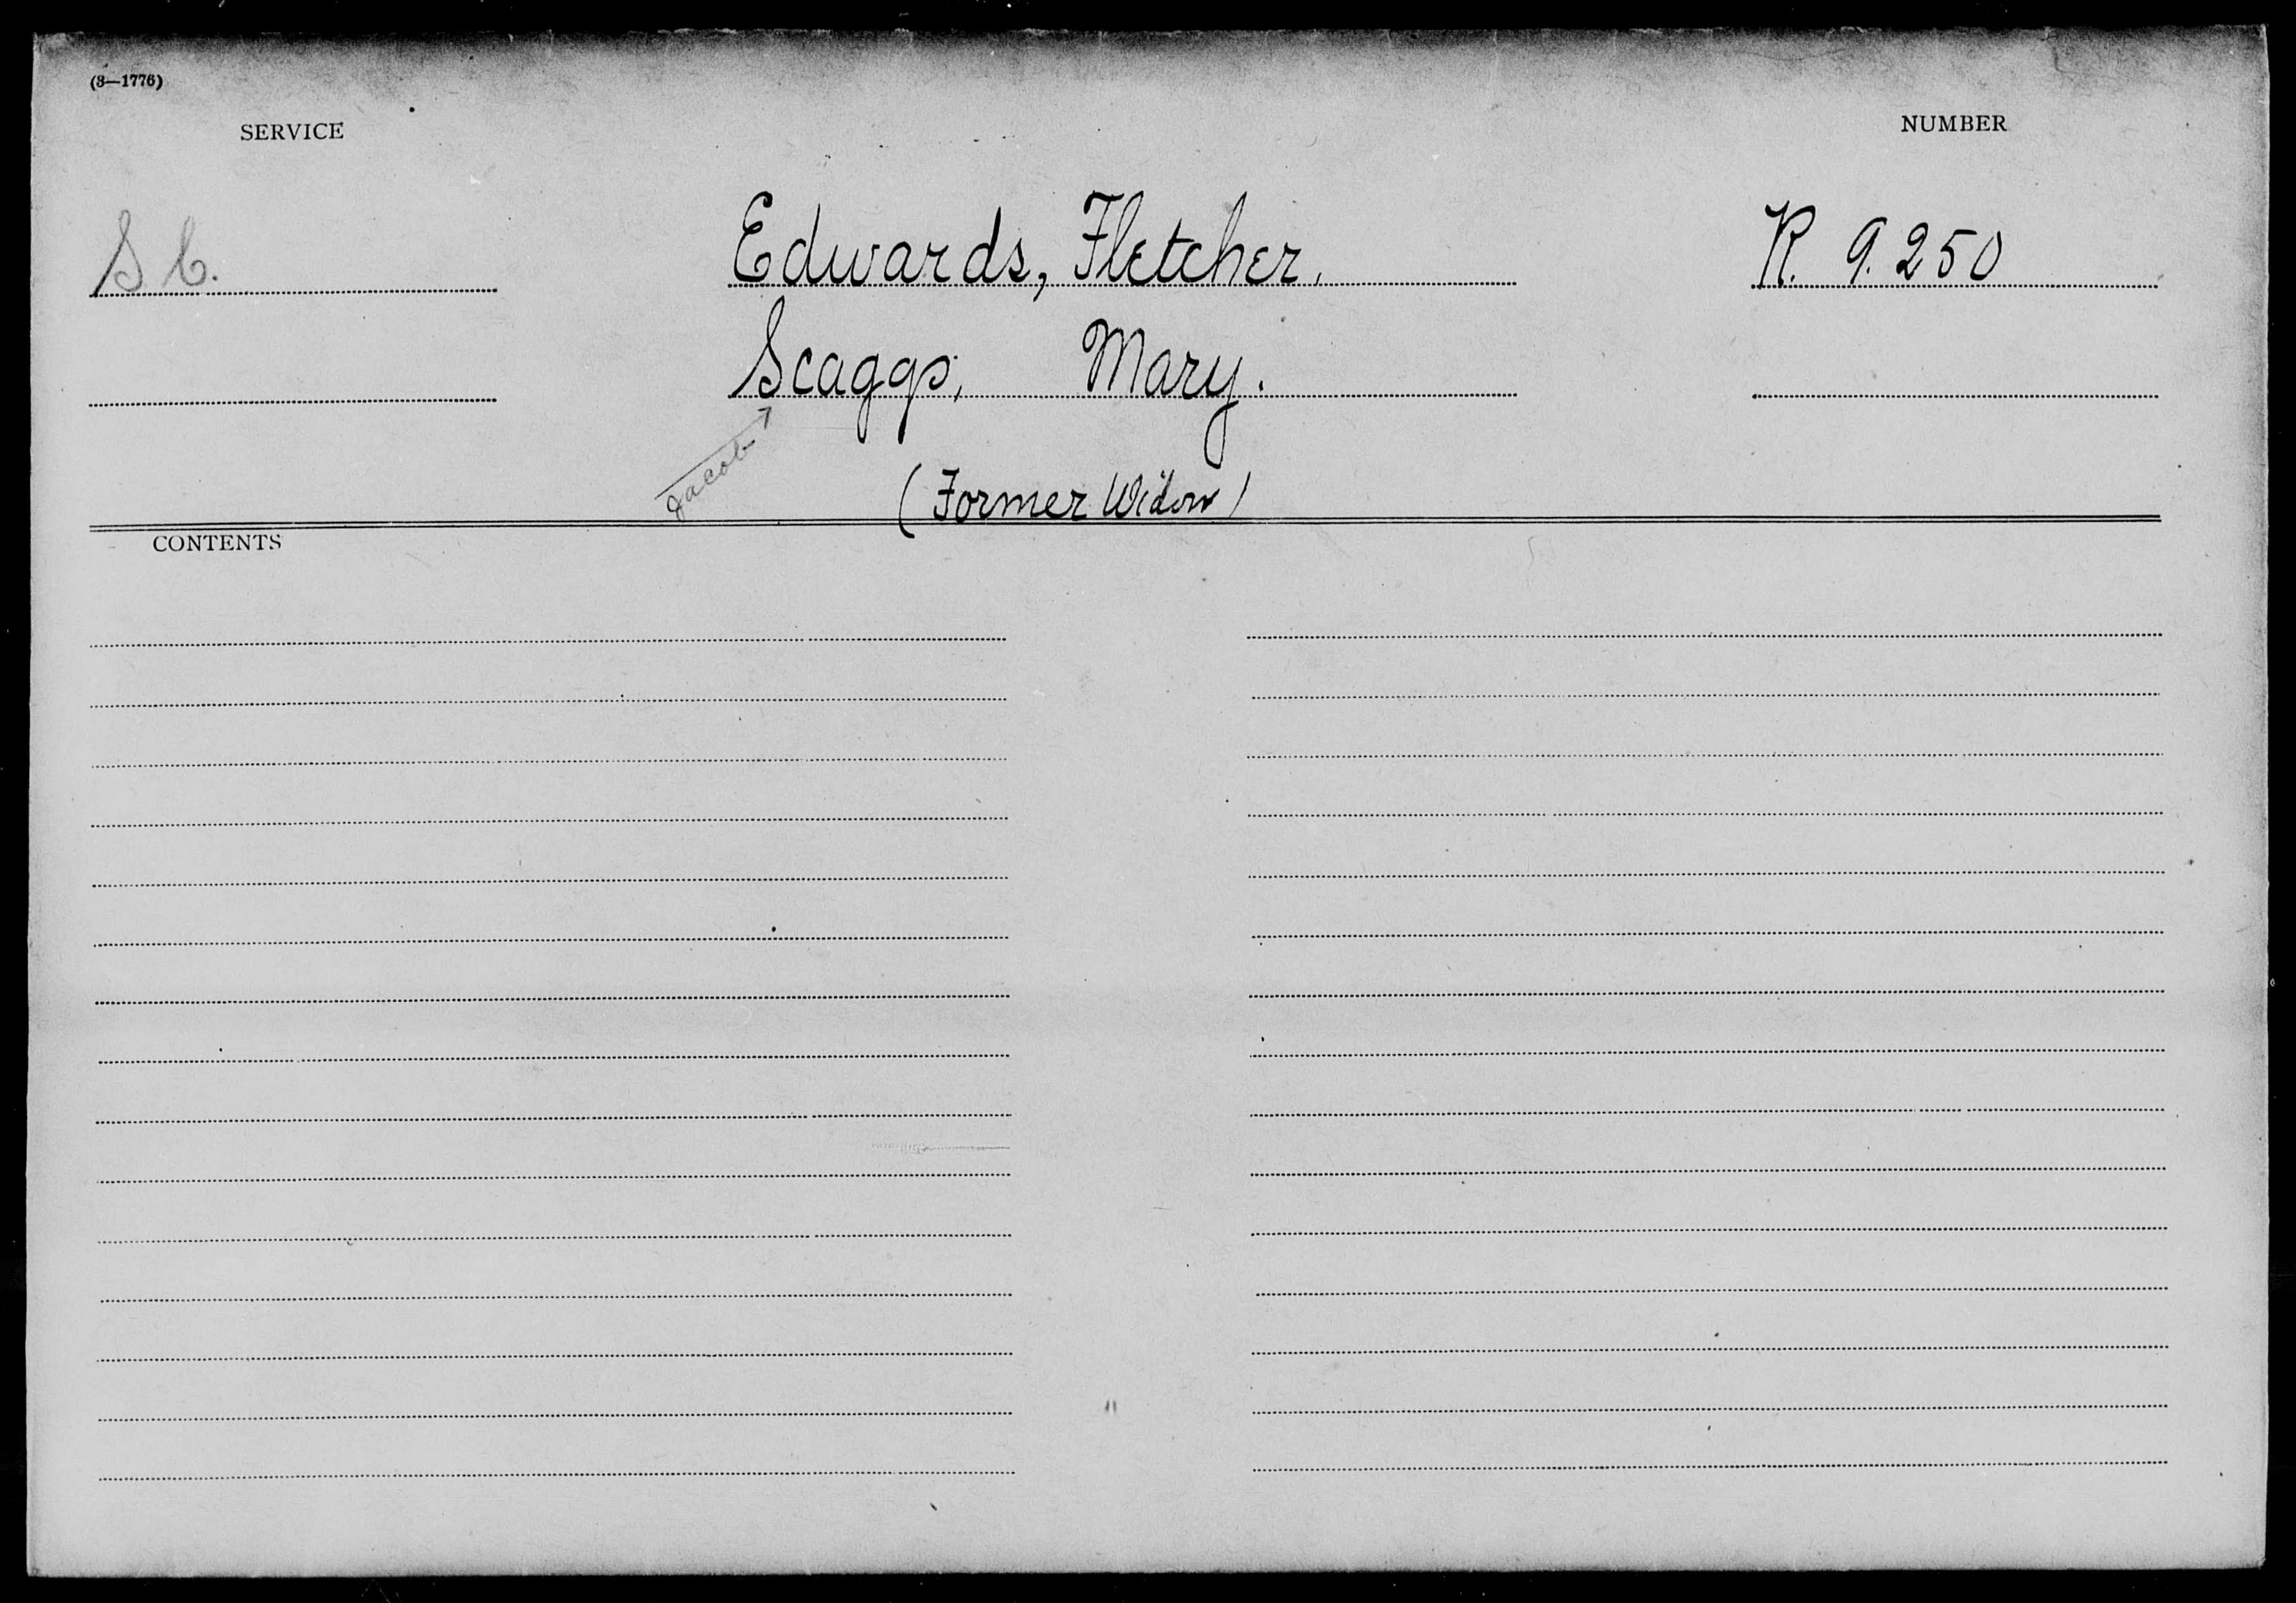(3 - 1776)
SERVICE S. C.
Edwards, Fletcher,
Scaggs Mary (Former Widow)
NUMBER R. 9.250

CONTENTS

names: Jacob Scaggs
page: 1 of 16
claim: rejected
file: R. 9,250, Fletcher Edwards, S.C.